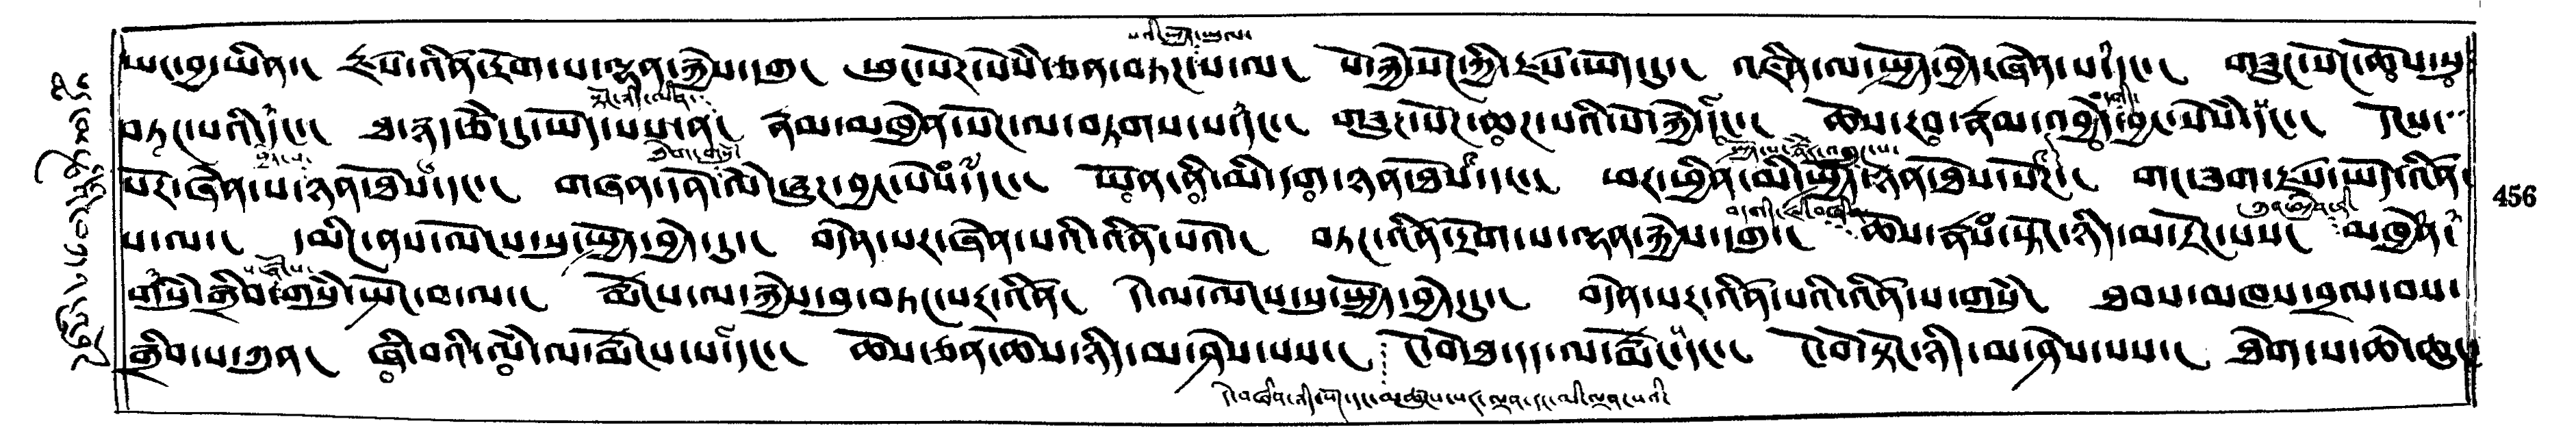སྤང་བྱ་ཡིན། །རྫས་འཛིན་རྟོག་པ་ལྷན་སྐྱེས་དགུ། །ཕུང་པོར་སེམས་ཅན་བཏགས་པའི་སྤྱོད་ཡུལ་པ་ལ། །སོ་སྐྱེ་སོགས་ཀྱི་རྫས་ཡོད་དུ། །འཛིན་ལ་སྤྱོད་བྱེད་ཞེན་པ་དང་། །གཟུགས་སོགས་ཆོས་སུ་
བཏགས་པའི་དང་། །ཐ་སྙད་ཙམ་དུ་ཡོད་པས་ན། སྟོང་ཉིད་མིན། རྣམ་མཁྱེན་སོགས་ལ་བཏགས་པ་དང་། །གཟུགས་སོགས་ཆགས་པའི་སོ་སྐྱེ་དང་།། །ཆོས་རབ་རྣམ་འབྱེད་བདག་གི་བྱང་སེམས་དང་། །དངོས་
པོར་ཞེན་པ་བྱེད་པ་ཉན་ཐོས་དང་། །གཞན་དོན་ཐེག་གསུམ་ལམ་ཞུགས་བྱང་སེམས་དང་། །ཡོན་ནི་མི་དག་ཉན་ཐོས་དང་། །ཕར་ཕྱིན་མི་སྤྱོད་སྤྱོད་པ་རྣམ་པར་འཁྲུགས་པ། ཉན་ཐོས་སོགས། །གང་ཟག་རྫས་ཡོད་འཛིན་
པ་ལ། །དམིགས་ནས་ལོངས་སུ་སྤྱོད་བྱེད་དུ། །བདེན་པར་ཞེན་པའི་འཛིན་པའོ། །བཏགས་འཛིན་རྟོག་པ་ལྷན་སྐྱེས་དགུ།། བདག་ཉིད་ཇི་བཞིན་ཆོས་རྣམས་སྟོང་ཉིད་མ་རྟོགས་པས། ཀུན་མཁྱེན་ནི་མཁྱེན་
གསུམ་སྒྲིབ་པ་རྣམ་པ་གསུམ་སྤོང་བ་ལ། །རྨོངས་ལ་སྐྱེས་བུ་བཏགས་པར་འཛིན། །དེ་ལ་ལོངས་སུ་སྤྱོད་བྱེད་དུ། །བདེན་པར་འཛིན་པའི་འཛིན་པ་གསུམ། །ཐབས་མཁས་བྲལ་བས་
སྒྲིབ་པ་ཀུན། །ཞི་བའི་ལམ་ལ་རྨོངས་པ་དང་། །ཆོས་ཅན་ཆོས་ཉིད་མ་ཤེས་པས།། དེ་བཞིན་ཉིད་སོགས་དང་མཚུངས་པར་ལྡན་དང་མི་ལྡན་པའི་ངོ་བོ་ཐ་དད་ལ་རྨོངས་དང་། །ངོ་བོ་སྟོང་ཉིད་མ་ཤེས་པས། །ཐེག་པ་ཆེ་ཆུང་